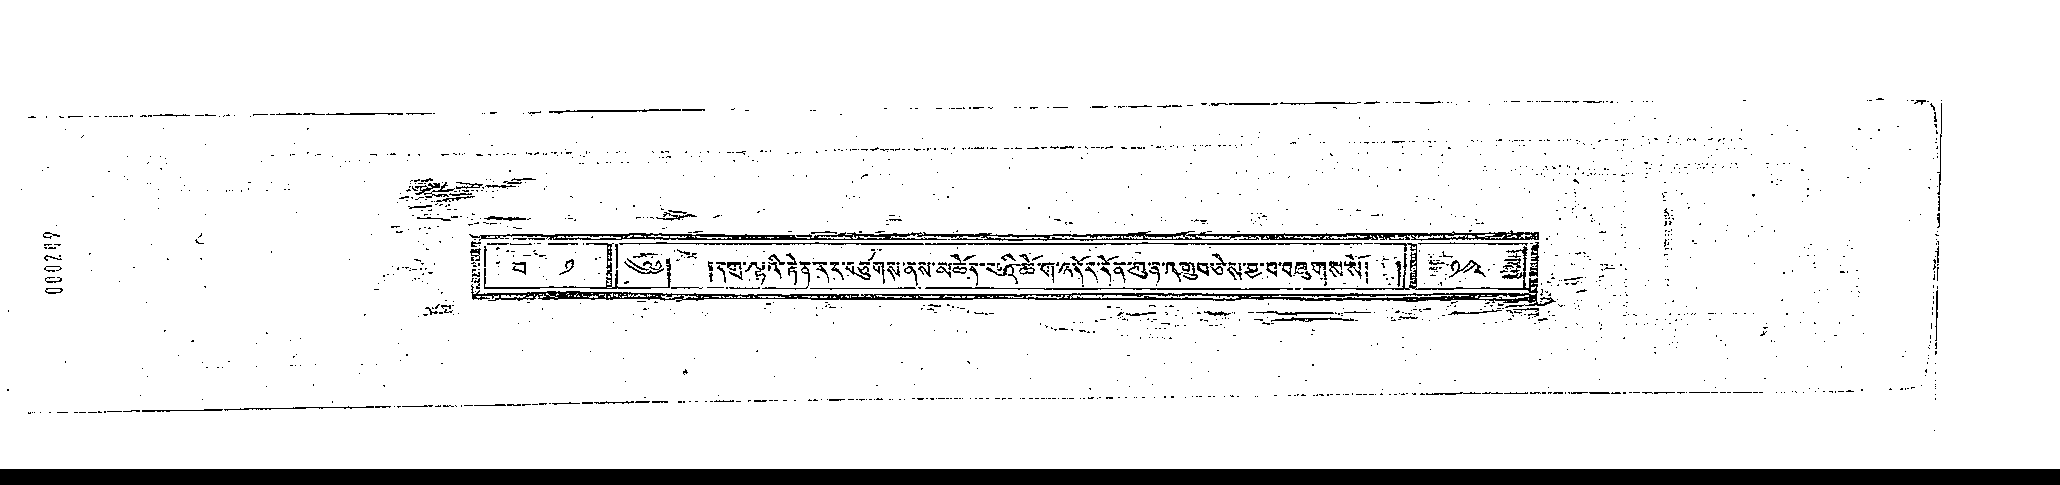ཏ ༡༥?
༄༅། །དགྲ་ལྷའི་རྟེན་དར་བཙུགས་ནས་མཆོད་བའི་ཆོ་ག་འདོད་དོན་ཀུན་འགྲུབ་ཅེས་བྱ་བ་བཞུགས་སོ། །